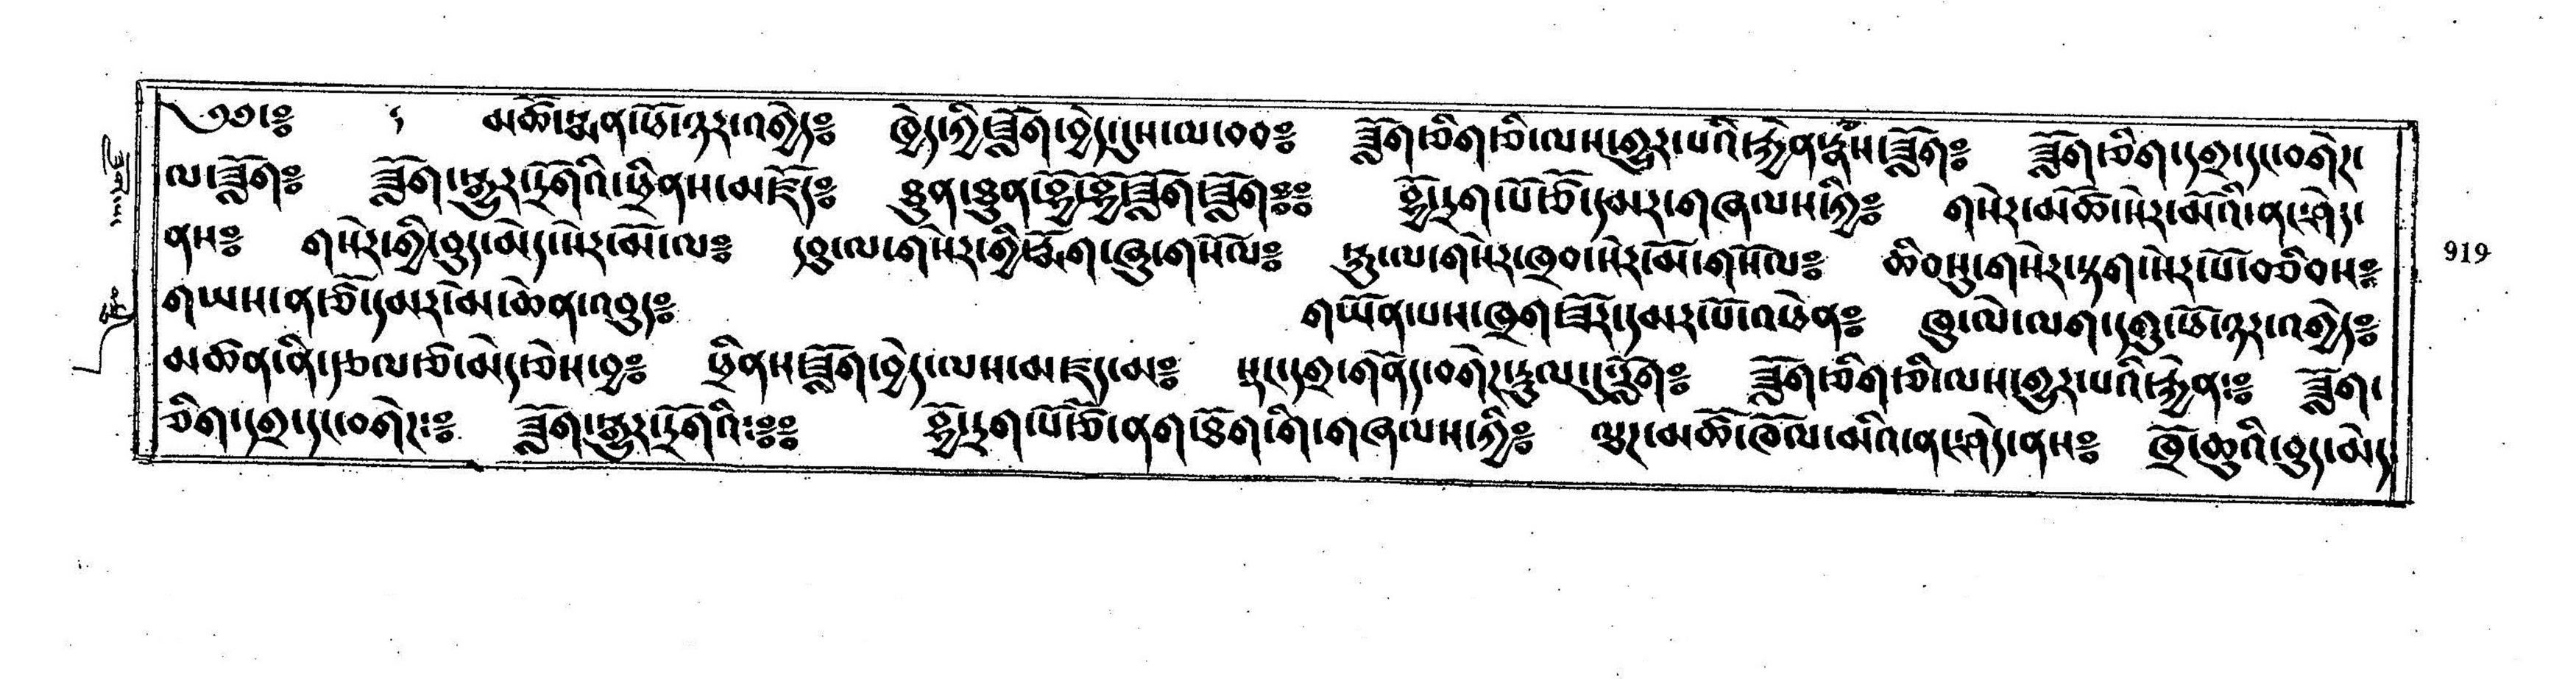མཚོ་སྨན་ཕོ་ཉར་འགྱེད༔ ཁྱེད་ཀྱི་ཟློག་བྱེད་དུས་ལ་བབ༔ ཟློག་ཅིག་ཅི་ལས་གྱུར་པའི་རྐྱེན་རྣམས་ཟློག༔ ཟློག་ཅིག་དགྲ་དང་བགེགས་
ལ་ཟློག༔ ཟློག་སྒྱུར་དྲག་པོའི་ཕྲིན་ལས་མཛོད༔ ཐུན་ཐུན་བྷྱོ་བྷྱོ་ཟློག་ཟློག༔༔ བྷྱོ་དྲག་པོ་ཙོ་དམར་གཞལ་ཡས་ཀྱི༔ གསེར་མཚོ་སེར་མོའི་ནང་ཤེད་
ནས༔ གསེར་གྱི་བུད་མེད་སེར་མོ་ལ༔ དབུ་ལ་གསེར་གྱི་རྨོག་ཞུ་གསོལ༔ སྐུ་ལ་གསེར་ཁྲབ་སེར་མོ་གསོལ༔ ཆིབས་སུ་གསེར་སྟག་སེར་པོ་བཅིབས༔ 
གཡས་ན་ཙོ་དམར་མེ་ཆེན་འབུད༔ གཡོན་པས་ཁྲག་ཟོར་དམར་པོ་འཕེན༔ ཁུ་ལེ་ལག་དགུ་ཕོ་ཉར་འགྱེད༔ 
མཚན་ནི་རྩལ་ཙ་མེད་ཅེས་བྱ༔ ཕྲིན་ལས་ཟློག་བྱེད་ལས་མཛད་མ༔ སྡང་དགྲ་གནོད་བགེགས་རྡུལ་དུ་རློག༔ ཟློག་ཅིག་ཅི་ལས་གྱུར་པའི་རྐྱེན༴༔ ཟློག་
ཅིག་དགྲ་དང་བགེགས༴༔ ཟློག་སྒྱུར་དྲག་པོའི༴༔༔ བྷྱོ་དྲག་པོ་ཙོ་ནག་ཐོག་གི་གཞལ་ཡས་ཀྱི༔ ལྕགས་མཚོ་ཁོལ་མའི་ནང་ཤེད་ནས༔ ཁྲོ་ཆུའི་བུད་མེད་